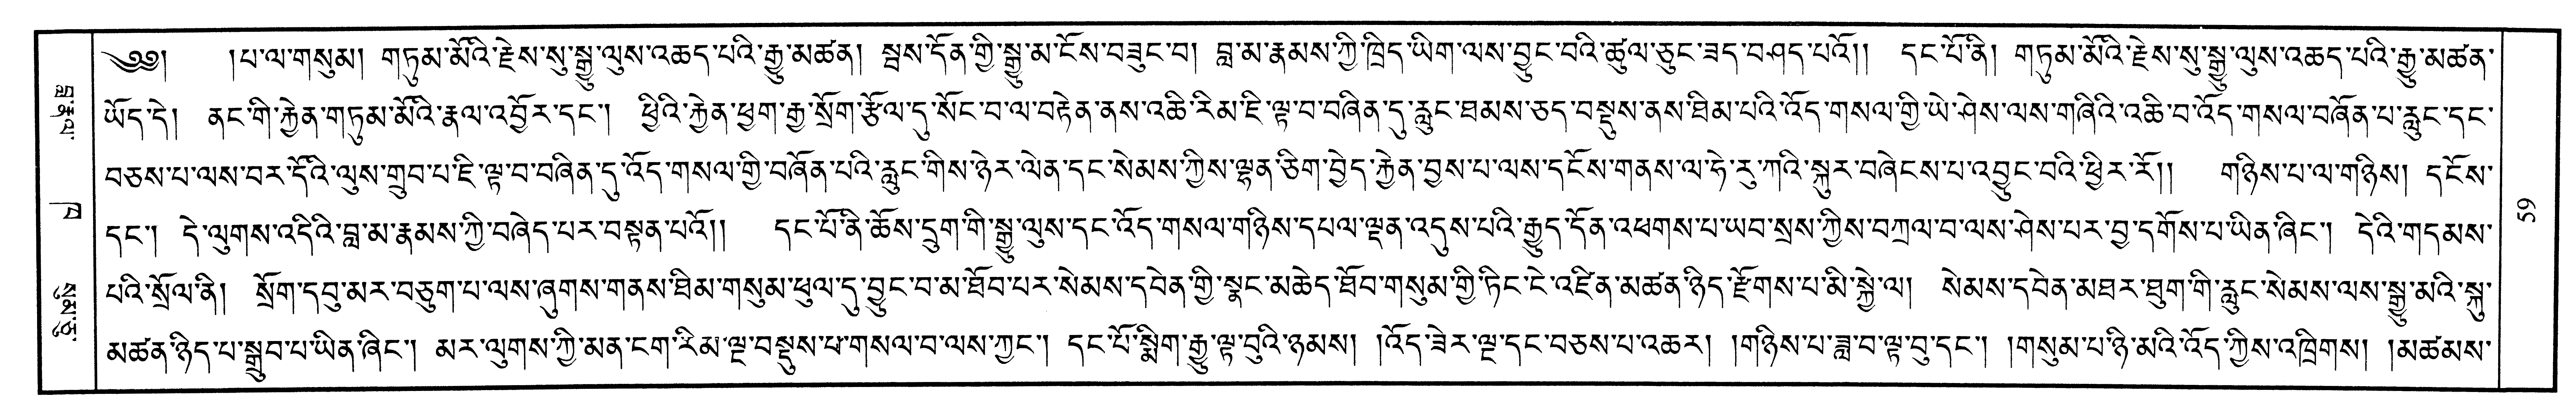༄༅། །པ་ལ་གསུམ། གཏུམ་མོའི་རྗེས་སུ་སྒྱུ་ལུས་འཆད་པའི་རྒྱུ་མཚན། སྦས་དོན་གྱི་སྒྱུ་མ་ངོས་བཟུང་བ། བླ་མ་རྣམས་ཀྱི་ཁྲིད་ཡིག་ལས་བྱུང་བའི་ཚུལ་ཅུང་ཟད་བཤད་པའོ། དང་པོ་ནི། གཏུམ་མོའི་རྗེས་སུ་སྒྱུ་ལུས་འཆད་པའི་རྒྱུ་མཚན་
ཡོད་དེ། ནང་གི་རྐྱེན་གཏུམ་མོའི་རྣལ་འབྱོར་དང་། ཕྱིའི་རྐྱེན་ཕྱག་རྒྱ་སྲོག་རྩོལ་དུ་སོང་བ་ལ་བརྟེན་ནས་འཆི་རིམ་ཇི་ལྟ་བ་བཞིན་དུ་རླུང་ཐམས་ཅད་བསྡུས་ནས་ཐིམ་པའི་འོད་གསལ་གྱི་ཡེ་ཤེས་ལས་གཞིའི་འཆི་བ་འོད་གསལ་བཞོན་པ་རླུང་དང་
བཅས་པ་ལས་བར་དོའི་ལུས་གྲུབ་པ་ཇི་ལྟ་བ་བཞིན་དུ་འོད་གསལ་གྱི་བཞོན་པའི་རླུང་གིས་ཉེར་ལེན་དང་སེམས་ཀྱིས་ལྷན་ཅིག་བྱེད་རྐྱེན་བྱས་པ་ལས་དངོས་གནས་ལ་ཧེ་རུ་ཀའི་སྐུར་བཞེངས་པ་འབྱུང་བའི་ཕྱིར་རོ།། གཉིས་པ་ལ་གཉིས། དངོས་
དང་། དེ་ལུགས་འདིའི་བླ་མ་རྣམས་ཀྱི་བཞེད་པར་བསྟན་པའོ།། དང་པོ་ནི་ཆོས་དྲུག་གི་སྒྱུ་ལུས་དང་འོད་གསལ་གཉིས་དཔལ་ལྡན་འདུས་པའི་རྒྱུད་དོན་འཕགས་པ་ཡབ་སྲས་ཀྱིས་བཀྲལ་བ་ལས་ཤེས་པར་བྱ་དགོས་པ་ཡིན་ཞིང་། དེའི་གདམས་
པའི་སྲོལ་ནི། སྲོག་དབུ་མར་བཅུག་པ་ལས་ཞུགས་གནས་ཐིམ་གསུམ་ཕུལ་དུ་བྱུང་བ་མ་ཐོབ་པར་སེམས་དབེན་གྱི་སྣང་མཆེད་ཐོབ་གསུམ་གྱི་ཏིང་ངེ་འཛིན་མཚན་ཉིད་རྫོགས་པ་མི་སྐྱེ་ལ། སེམས་དབེན་མཐར་ཐུག་གི་རླུང་སེམས་ལས་སྒྱུ་མའི་སྐུ་
མཚན་ཉིད་པ་སྒྲུབ་པ་ཡིན་ཞིང་། མར་ལུགས་ཀྱི་མན་ངག་རིམ་ལྔ་བསྡུས་པ་གསལ་བ་ལས་ཀྱང་། དང་པོ་སྨིག་རྒྱུ་ལྟ་བུའི་ཉམས། །འོད་ཟེར་ལྔ་དང་བཅས་པ་འཆར། །གཉིས་པ་ཟླ་བ་ལྟ་བུ་དང་། །གསུམ་པ་ཉི་མའི་འོད་ཀྱིས་འཁྲིགས། །མཚམས་